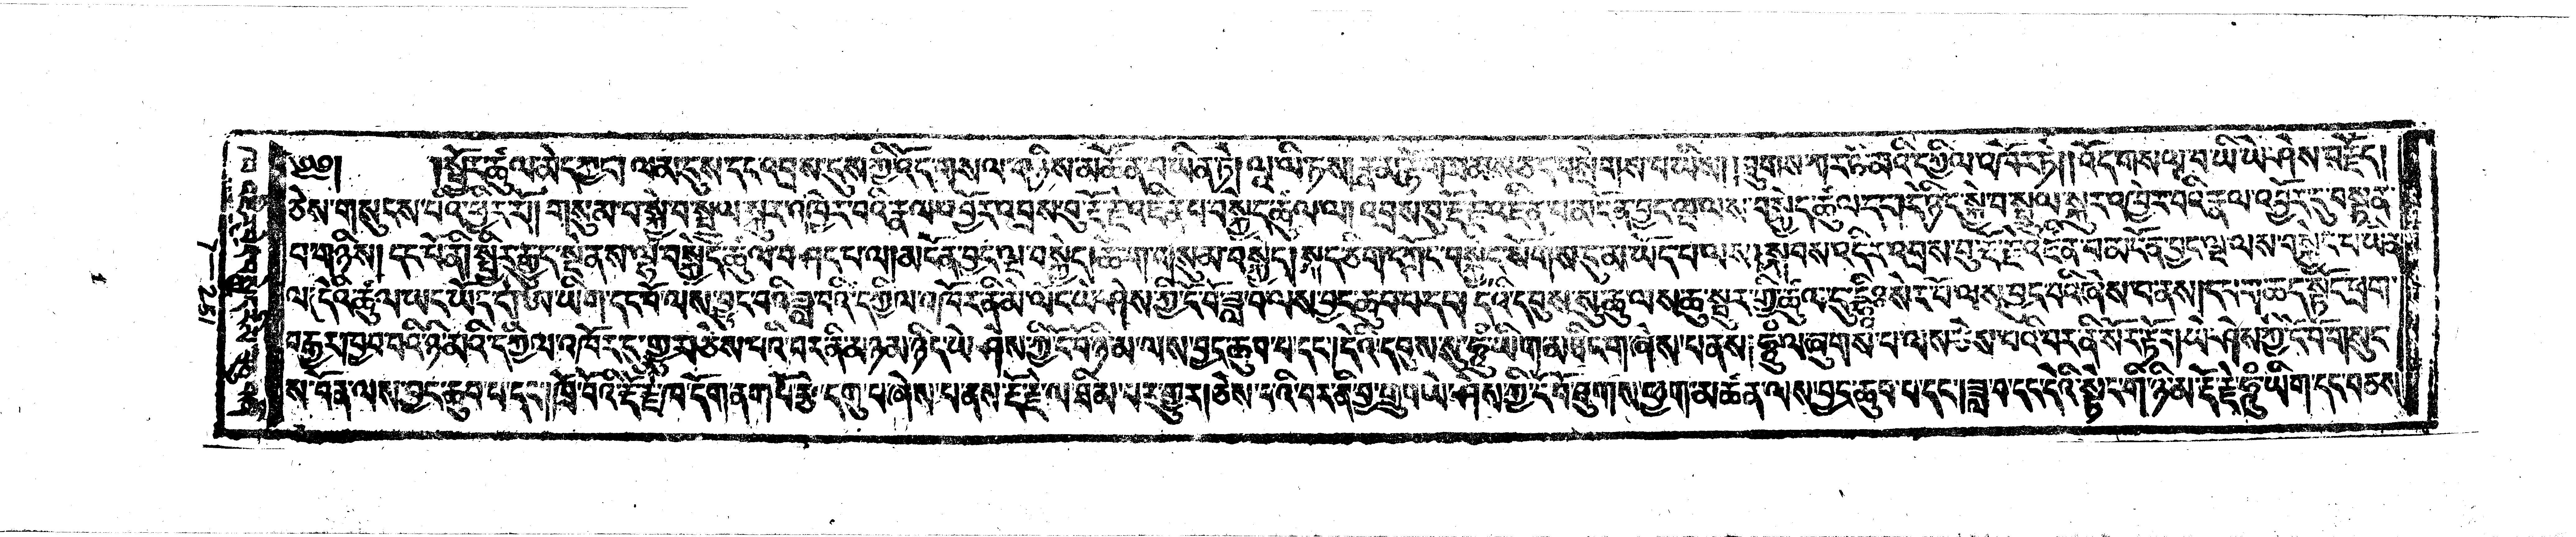༄༅། །སྦྱོར་ཚུལ་མེད་ཀྱང་། ལམ་དུས་དང་འབྲས་དུས་ཀྱི་འོད་གསལ་གཉིས་མཚོན་པ་ཡིན་ཏེ། ལཱ་ལི་ཏས། རྣམ་རྟོག་ཐམས་ཅད་བསྲེགས་པ་ཡིས། །ཐུགས་ཀར་ཉི་མའི་དཀྱིལ་འཁོར་ཏེ། །འོད་གསལ་བ་ཡི་ཡེ་ཤེས་བརྗོད།
ཅེས་གསུངས་པའི་ཕྱིར་རོ། །གསུམ་པ་སྐྱེ་བ་སྤྲུལ་སྐུར་འཁྱེར་བའི་རྣལ་འབྱོར་འབྲས་བུ་རྡོ་རྗེ་འཛིན་པ་བསྐྱེད་ཚུལ་ལ། འབྲས་བུ་རྡོ་རྗེ་འཛིན་པ་མངོན་བྱང་ལྔ་ལས་བསྐྱེད་ཚུལ་དང་། དེ་ཉིད་སྐྱེ་བ་སྤྲུལ་སྐུར་འཁྱེར་བའི་རྣལ་འབྱོར་དུ་བསྟན་
པ་གཉིས། དང་པོ་ནི། སྤྱིར་རྒྱུད་སྔ་ནས་ལྷ་བསྐྱེད་ཚུལ་བཤད་པ་ལ། མངོན་བྱང་ལྔ་བསྐྱེད། ཆོ་ག་གསུམ་བསྐྱེད། སྐད་ཅིག་དཀྲོང་པ་སྐྱེད་སོགས་དུ་མ་ཡོད་པ་ལས། སྐབས་འདིར་འབྲས་བུ་རྡོ་རྗེ་འཛིན་པ་མངོན་བྱང་ལྔ་ལས་བསྐྱེད་པ་ཡིན་
ལ༑ དེའི་ཚུལ་ཡང་ཡོད་དེ། ཨ་ཡིག་དང་པོ་ལས་བྱུང་བའི་ཟླ་བའི་དཀྱིལ་འཁོར་ནི་མེ་ལོང་ཡེ་ཤེས་ཀྱི་ངོ་བོ་ཟླ་བ་ལས་བྱང་ཆུབ་པ་དང་། དེའི་དབུས་སུ་ཆུ་ལས་ཆུ་སྦུར་གྱི་ཚུལ་དུ་དྷཱིཿ སེར་པོ་ལས་བྱུང་བའི་ཞེས་པ་ནས། དཔག་ཚད་སྟོང་ཕྲག་
བརྒྱར་ཁྱབ་པའི་ཉི་མའི་དཀྱིལ་འཁོར་དུ་གྱུར། ཅེས་པའི་བར་ནི་མཉམ་ཉིད་ཡེ་ཤེས་ཀྱི་ངོ་བོ་ཉི་མ་ལས་བྱང་ཆུབ་པ་དང་། དེའི་དབུས་སུ་ཧཱུཾ་ཡིག་མཐིང་ག་ཞེས་པ་ནས། ཧཱུཾ་ལ་ཞུགས་པ་ལས་ཅེས་པའི་བར་ནི་སོར་རྟོག་ཡེ་ཤེས་ཀྱི་ངོ་བོ་གསུང་
ས་བོན་ལས་བྱང་ཆུབ་པ་དང་། ཁྲོ་བོའི་རྡོ་རྗེ་ཁ་དོག་ནག་པོ་རྩེ་དགུ་པ་ཞེས་པ་ནས་རྡོ་རྗེ་ལ་ཐིམ་པར་གྱུར། ཅེས་པའི་བར་ནི་བྱ་གྲུབ་ཡེ་ཤེས་ཀྱི་ངོ་བོ་ཐུགས་ཕྱག་མཚན་ལས་བྱང་ཆུབ་པ་དང་། ཟླ་བ་དང་དེའི་སྟེང་གི་ཉི་མ་རྡོ་རྗེ་ཧཱུཾ་ཡིག་དང་བཅས་